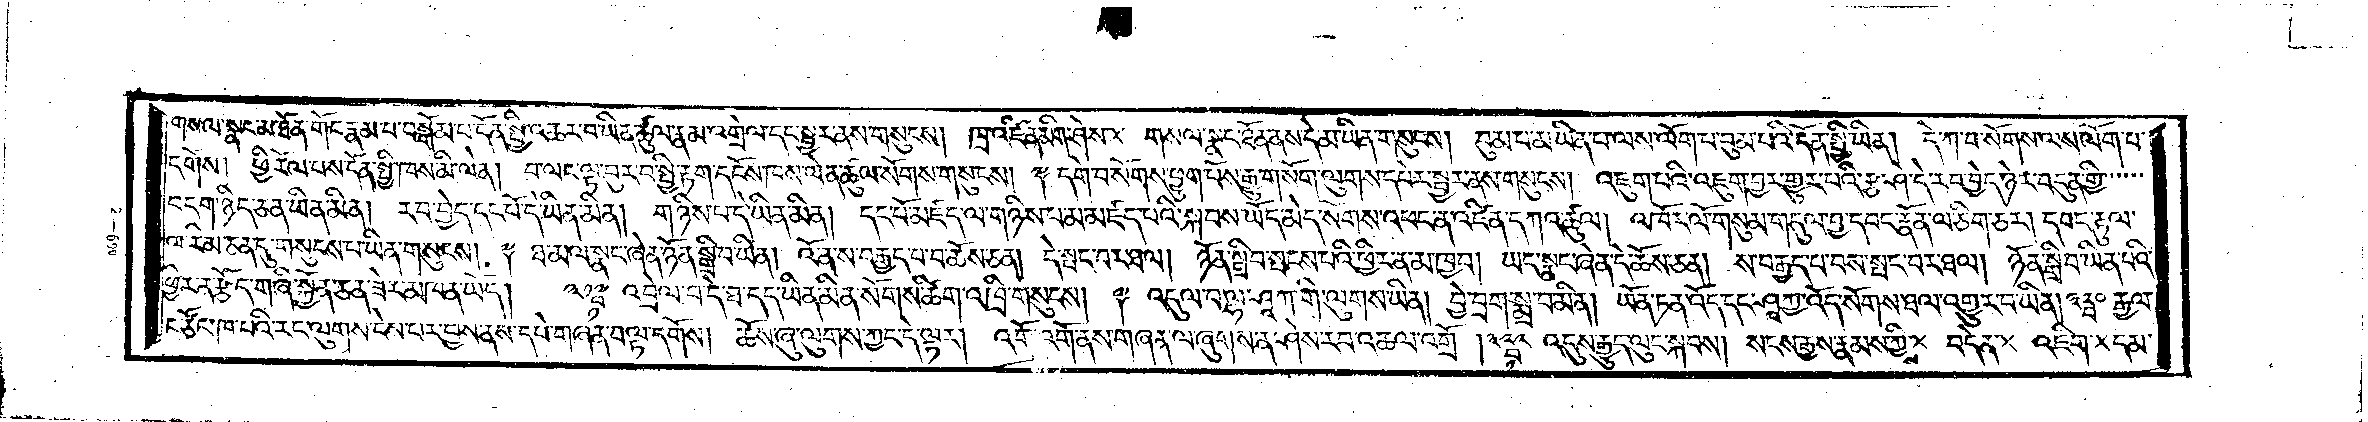གསལ་སྣང་མ་ཐོན་གོང་རྣམ་པ་བསྒོམ་པ་དོན་སྤྱི་འཆར་བ་ཡིན་ཚུལ་རྣམ་འགྲེལ་དང་སྦྱར་ནས་གསུངས། ཁྲ་འཛིན་མིག་ཤེས་྾་གསལ་སྣང་ཐོན་ནས་དེ་མ་ཡིན་གསུངས། བུམ་པ་མ་ཡིན་བ་ལས་ལོག་པ་བུམ་པའི་དོན་སྤྱི་ཡིན། དེ་ཀ་བ་སོགས་ལས་ལོག་པ་
དགོས། ཕྱི་རོལ་པས་དོན་སྤྱི་ཁས་མི་ལེན། བ་ལང་ལྟ་བུར་བ་སྤྱི་རྟག་དངོས་ཁས་ལེན་ཚུལ་སོགས་གསུངས། ༈ དགེ་བ་སོགས་ཕྱུག་པོས་རྒྱུ་གསོག་ལུགས་དཔེར་སྦྱར་ནས་གསུངས། འཇུག་པའི་འཇུག་བྱར་གྱུར་པའི་རྩ་ཤེ་དེ་རབ་བྱེད་ཉེར་བདུན་གྱི་
བདག་ཉིད་ཅན་ཡིན་མིན། རབ་བྱེད་དང་པོ་དེ་ཡིན་མིན། གཉིས་པ་དེ་ཡིན་མིན། དང་པོ་མཛད་ལ་གཉིས་པ་མ་མཛད་པའི་སྐབས་ཡོད་མེད་སོགས་འཕང་ན་འཛིན་དཀའ་ཚུལ། འཁོར་ལོ་གསུམ་གདུལ་བྱ་དབང་རྣོན་ལ་ཅིག་ཅར། དབང་རྟུལ་
ལ་རིམ་ཅན་དུ་གསུངས་པ་ཡིན་གསུངས། ༈ ཐ་མལ་སྣང་ཞེན་ཉོན་སྒྲིབ་ཡིན། འོ་ན་ས་བརྒྱད་པ་བ་ཆོས་ཅན། དེ་སྤང་བར་ཐལ། ཉོན་སྒྲིབ་སྤངས་པའི་ཕྱིར་ན་མ་ཁྱབ། ཡང་སྣང་ཞེན་དེ་ཆོས་ཅན། ས་བརྒྱད་པ་བས་སྤང་བར་ཐལ། ཉོན་སྒྲིབ་ཡིན་པའི་
ཕྱིར་ན་རྩོད་གཞི་སྐྱོན་ཅན་ཟེར་མཁན་ཡོད། ༣༡༧བ༡་འབྲེལ་བ་དེ་ཐ་དད་ཡིན་མིན་སོགས་ཚིག་འཁྲི་གསུངས། ༈ འདུལ་བ་ལྷ་ཤཱཀ་གི་ལུགས་ཡིན། བྱེ་བྲག་སྨྲ་བ་མིན། ཡོན་ཏན་འོད་དང་ཤཱཀྱ་འོད་སོགས་ཐལ་འགྱུར་བ་ཡིན། ༣༢༠བ་རྒྱལ་
བ་ཙོང་ཁ་པའི་རང་ལུགས་ངེས་པར་བྱས་ནས་དཔེ་གཞན་བལྟ་དགོས། ཆོས་ཞུ་ལུགས་ཀྱང་དེ་ལྟར། འོག་འགོ་ནས་གཞན་ལ་ཞུགས་ན་ཤེས་རབ་འཆལ་འགྲོ་།༣༢༢བ༡་འདུས་རྒྱུད་ལུང་སྐབས། སངས་རྒྱས་རྣམས་ཀྱིས་྾་བདེན་྾་འཇིག་྾་ད་